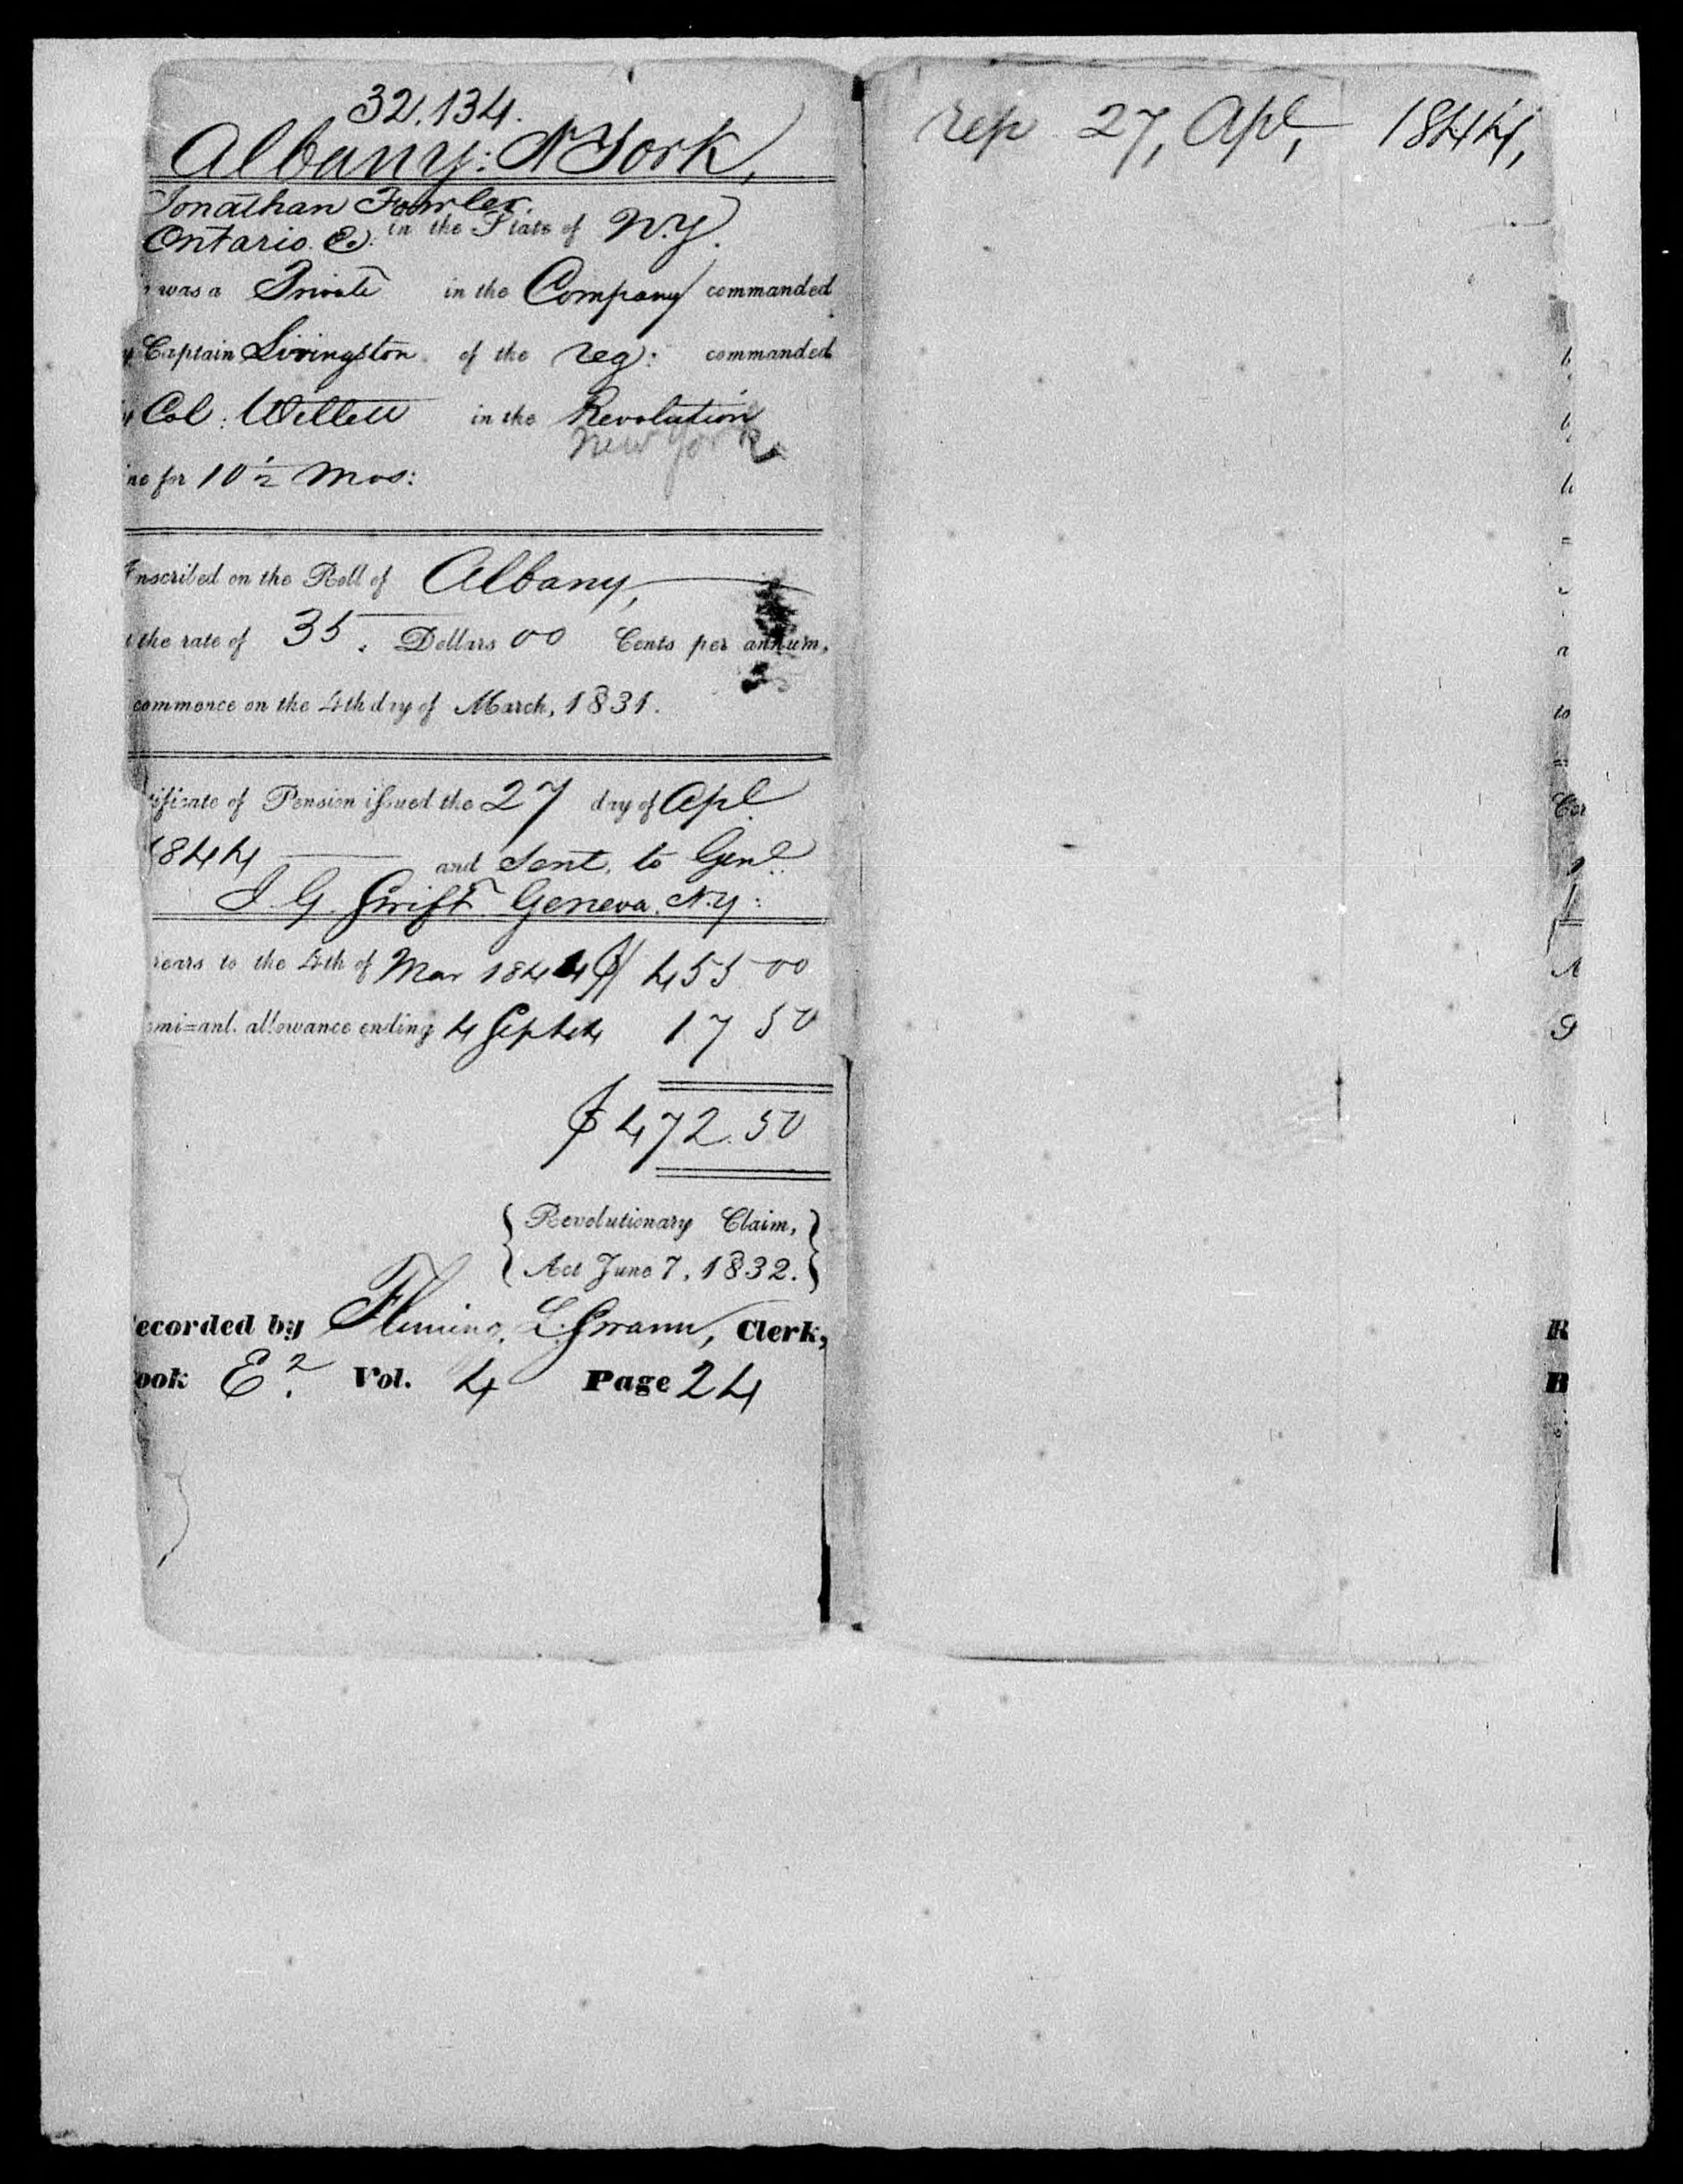321,134.
Albany N York
Jonathan Fowler Ontario Co. in the State of N.Y. was a private in the company commanded by Captain Livingston of the reg. commanded by Col. Willett in the Revolution New York line for 10 1/2 mons.

Inscribed on the Roll of Albany, at the rate of 35 dollars 00 centers per annum, to commence on the 4th day of March, 1831.

Certificate of Pension issued the 27 day of Apl 1844 and sent to Genl. J.G. Swift, Geneva, N.Y.

Arrears to the 4th of March 1844 $455.00
Semi=anl. allowance ending 4 [illegible] 17.50
$472.50
{Revolutionary Claim, Act July 7, 1832.}

Recorded by Fleming L. Swann, Clerk,
Book E2. vol. 4 Page 24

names: Livingston, Willett, J G Swift, Fleming L Swann, Jonathan Fowler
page: 2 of 44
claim: survivor's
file: S. 23639, Jonathan Fowler, New York